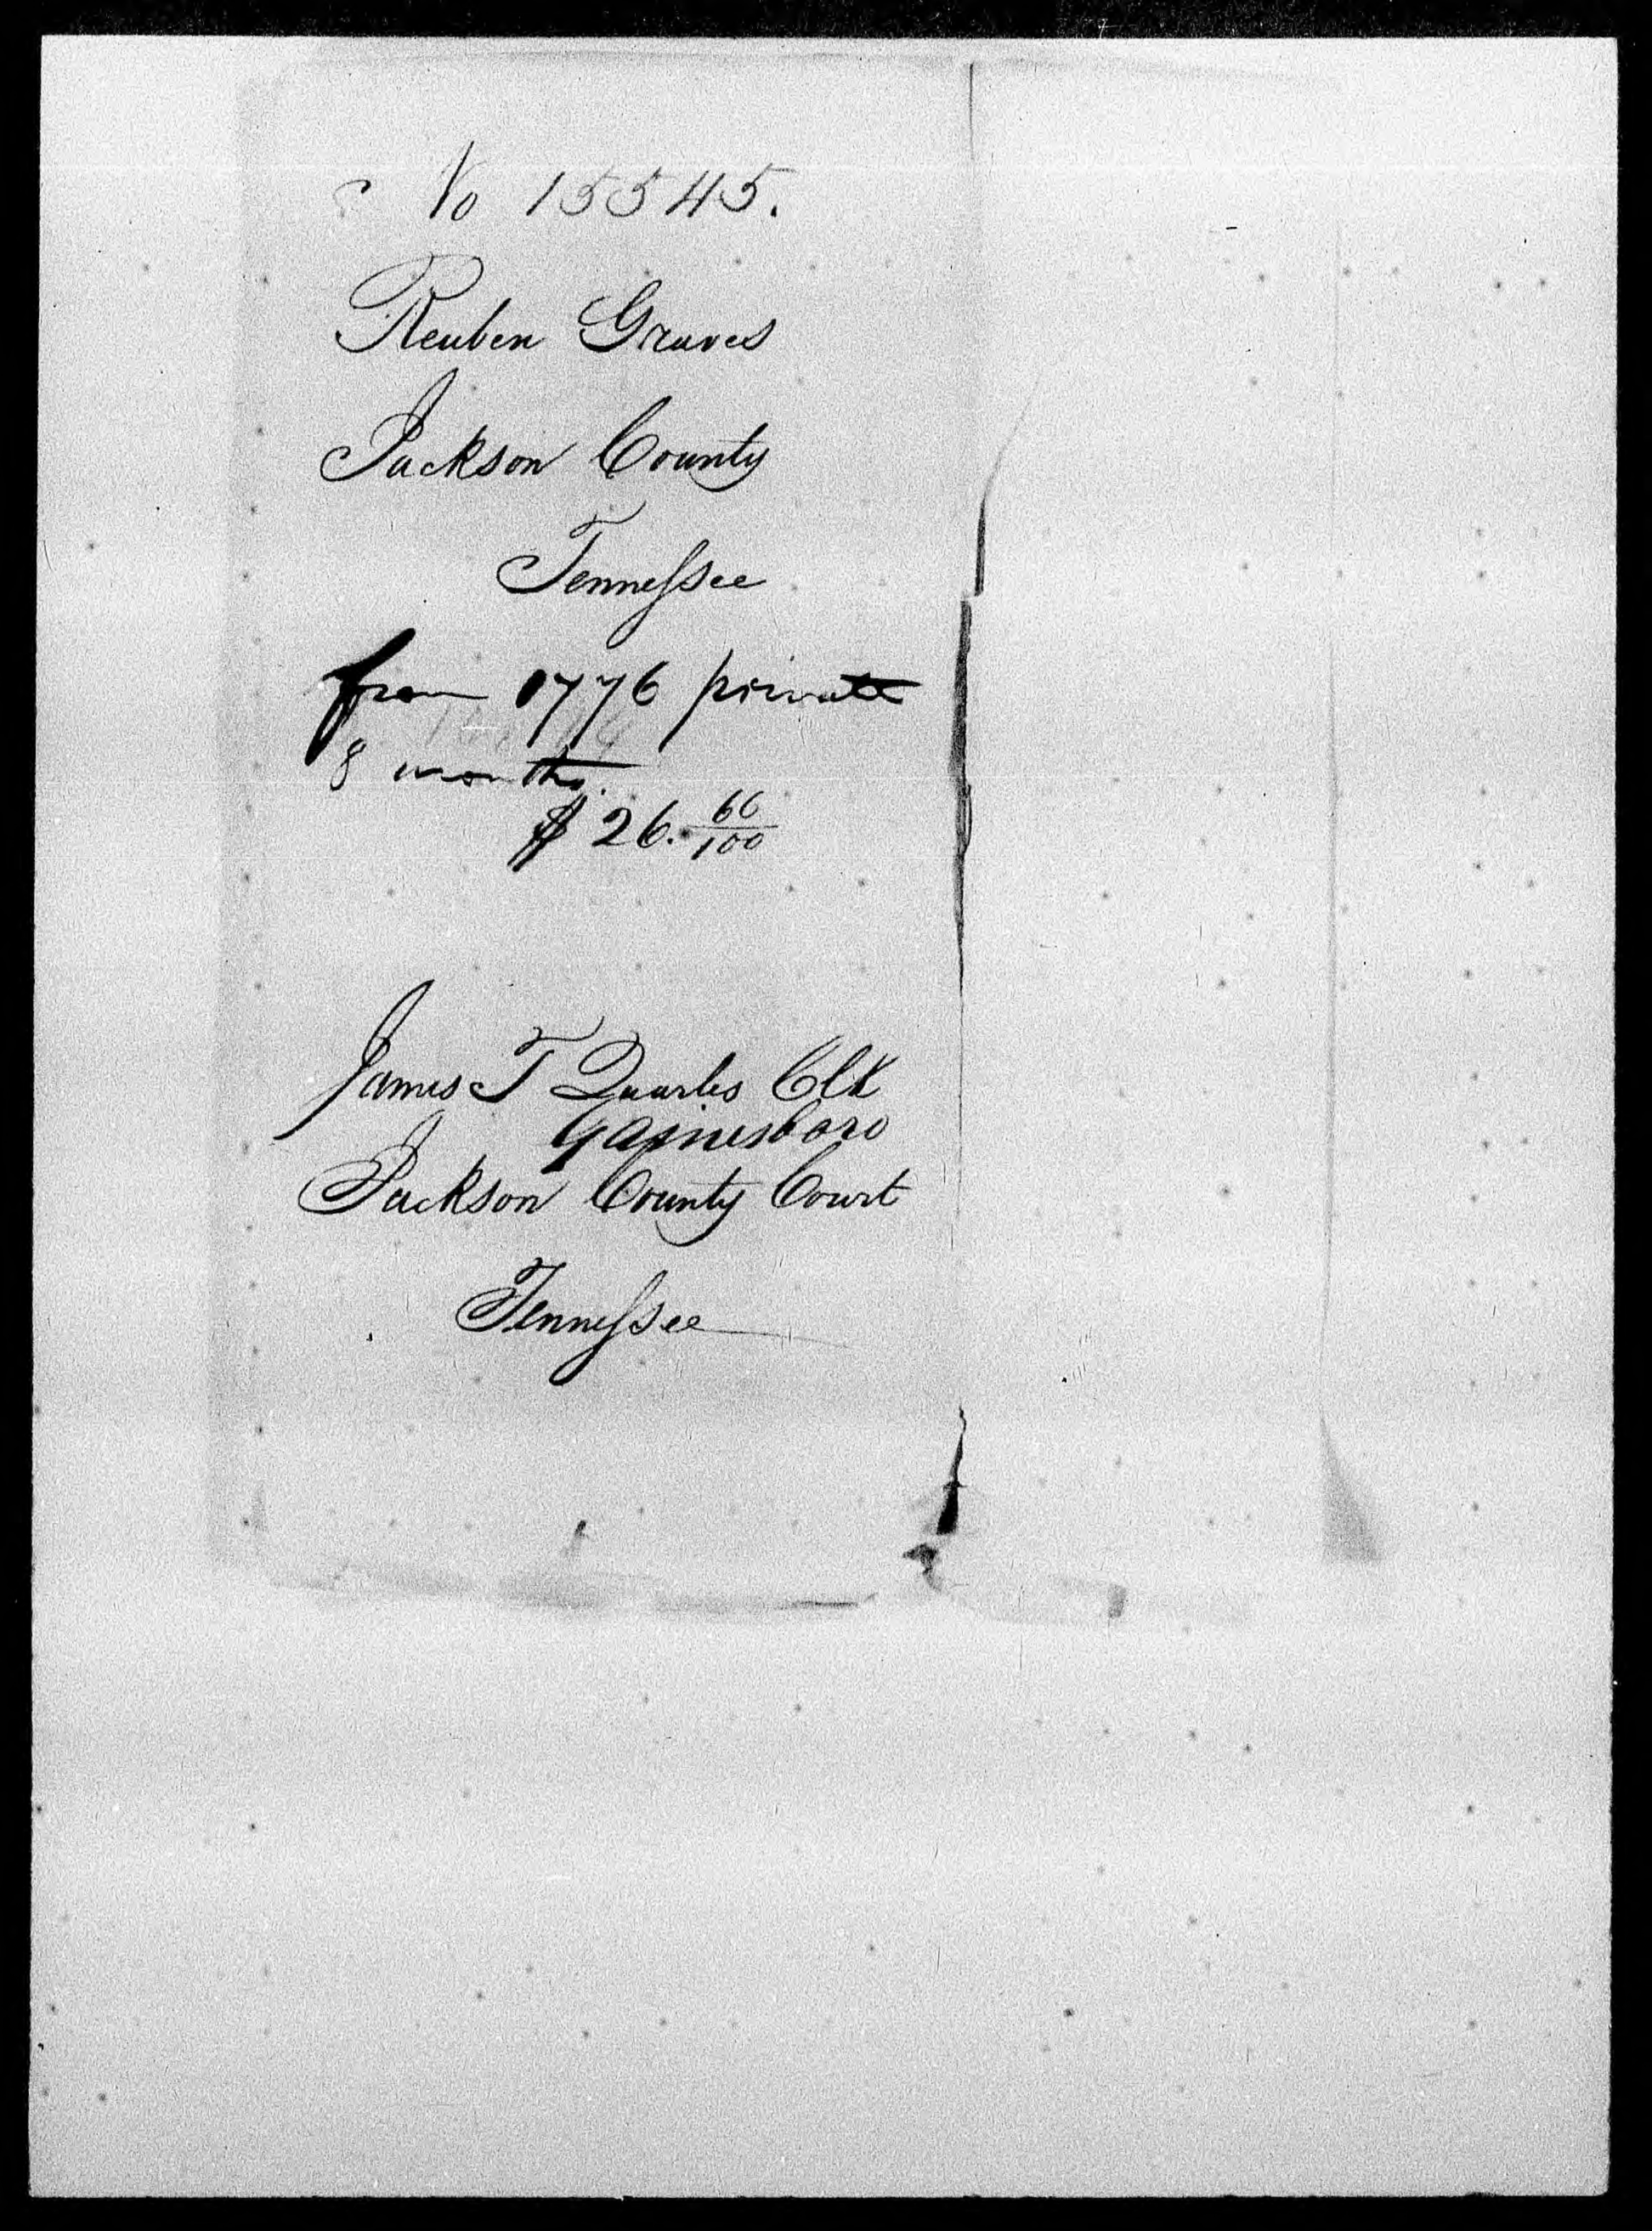No. 15545

Reuben Graves
Jackson County
Tennessee

from 1776 private
8 months
$26. 66/100


James T. Quarles Clerk
Gainsboro
Jackson County Court
Tennessee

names: Reuben Graves, James T Quarles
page: 12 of 22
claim: survivor's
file: S. 3408, Reuben Graves, Va.